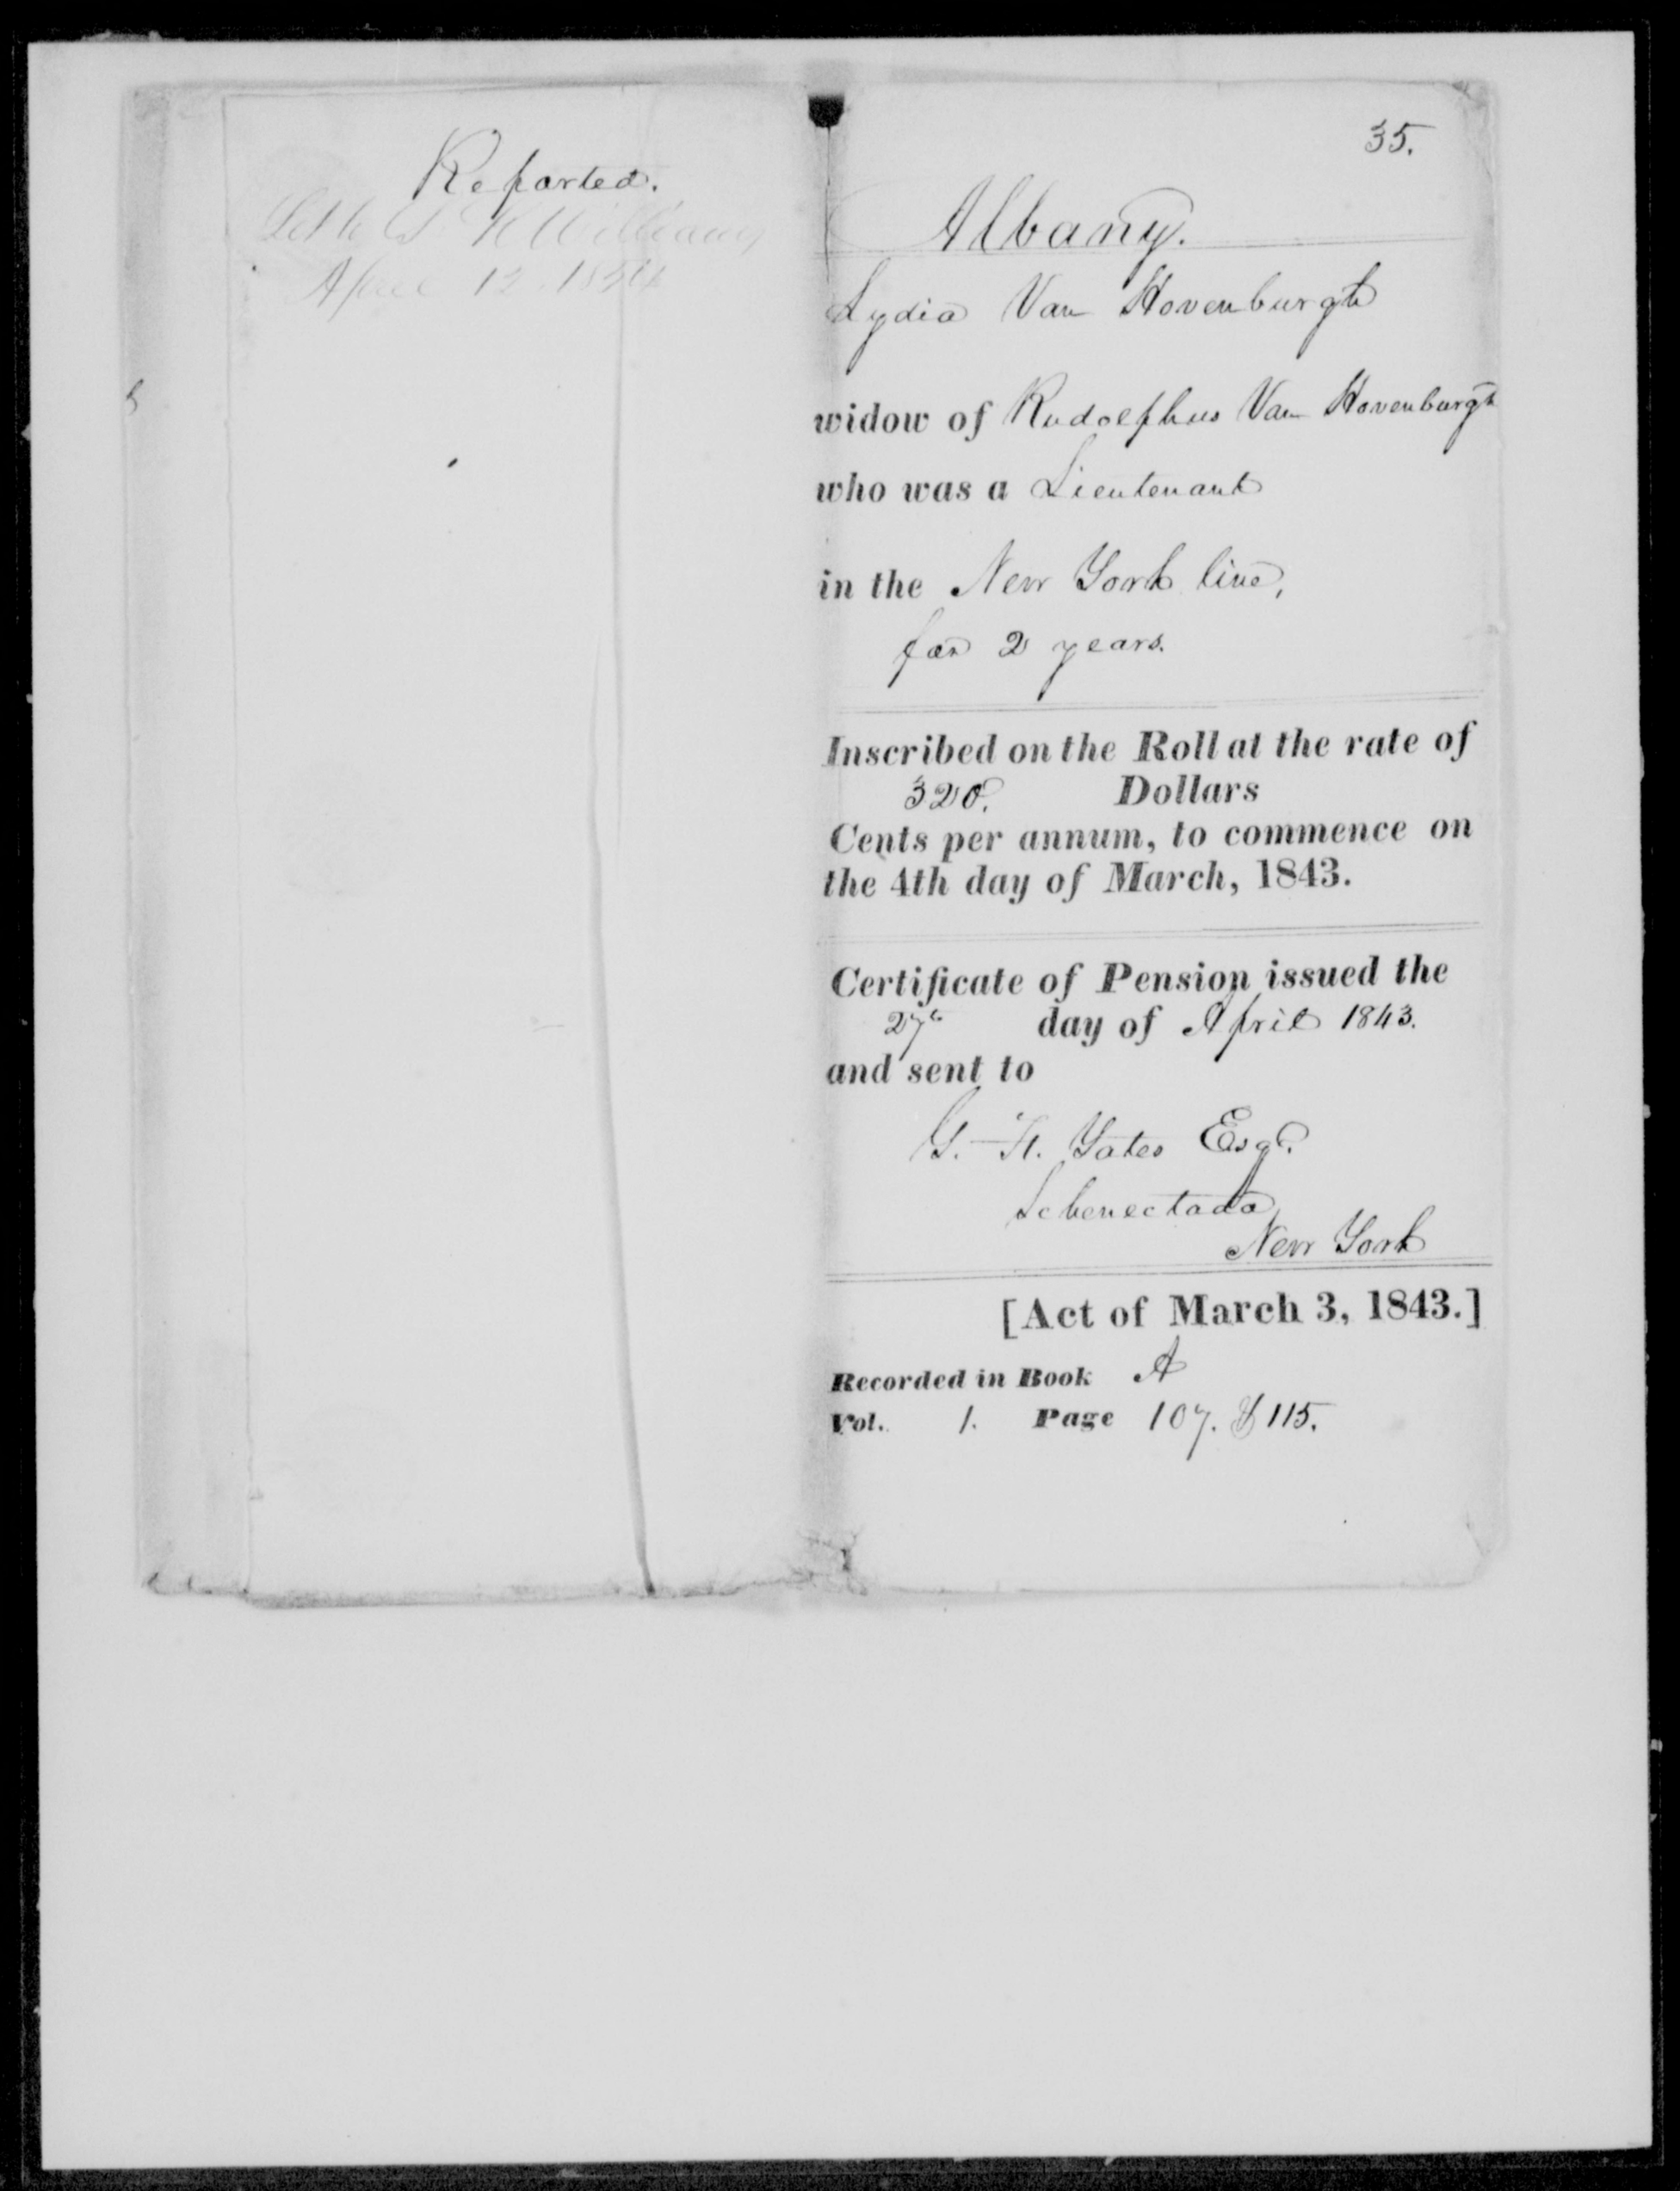[left hand page]
Reported
Seth W McWilliams
April 12, 1854

[right hand page]
35. ┃
Albany
Lydia Van Hovenburgh
widow of Rudolphus Van Hovenburgh
who was a Lieutenant
in the New York line
for 2 years
Inscribed on the Roll at the rate of
320. Dollars ___
Cents per annum, to commence on
the 4th day of March, 1843.
Certificate of Pension issued the
27th day of April 1843
and sent to
G. F. Yates Esq
Schenectada,
New York
[Act of March 3, 1843.]
Recorded in Book A
No 1. Page 107 & 115.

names: Lydia Van Hovenburgh, G F Yates, Rudolphus Van Hovenburgh, S K Williams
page: 2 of 38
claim: widow's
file: W. 23324, Rudolphus Van Hoevenbergh, New York